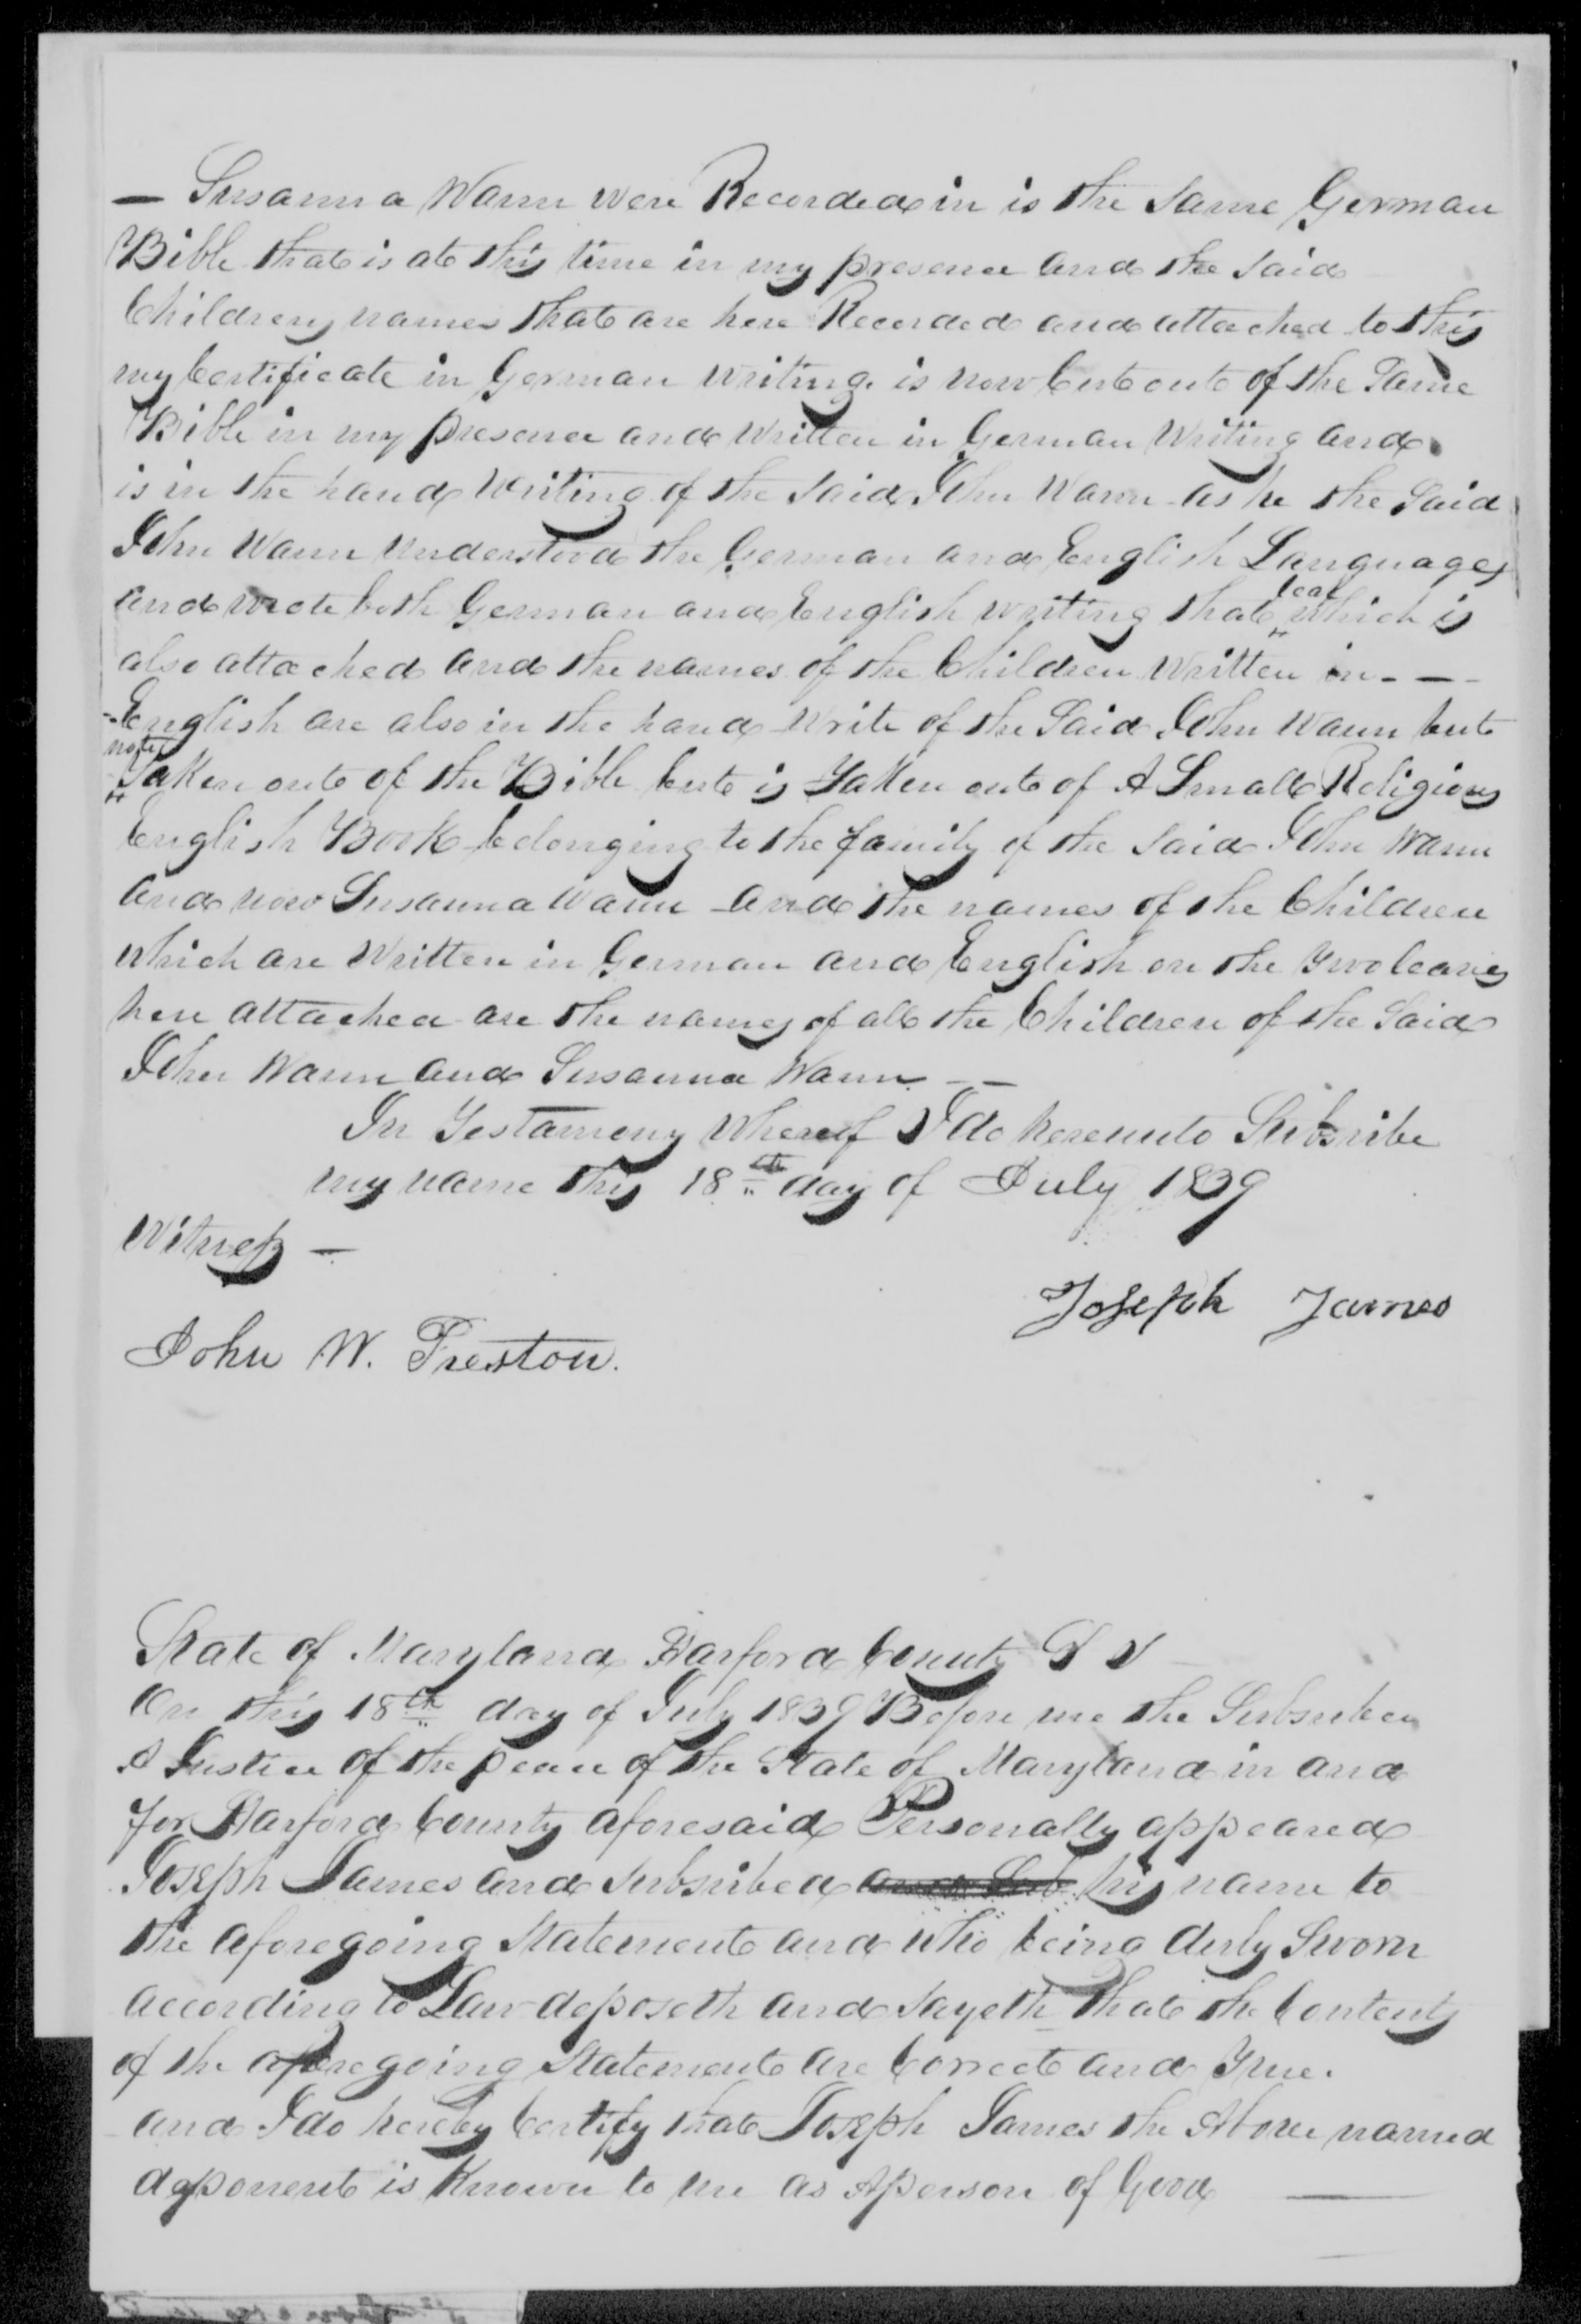Susanna Wann were Recorded in is the same German Bible that is at this time in my presence and the said Childrens names that are here recorded and attached to this my certificate in German writing is now cut out of the same
Bible in my presence and written in German Writing and is in the hand writing of the said John Wann as he the said John Wann understood the German and English Language and wrote both German and English writing that leaf which is also attached and the names of the Children written in English are also in the hand write of the said John Wann but note Taken out of the Bible but is taken out of A Small Religious English Book belonging to the family of the said John Wann And now Susanna Ward and the names of the Children which are https://catalog.archives.gov/images/misc/drag.pngwritten in German and English on the two leaves here attached are the names of all the children of the said John Wann and Susanna Wann
In Testamony [Testimony] whereof I do hereunto Subsribe [subscribe] my name this 18th day of July 1839
Joseph James
Witness
John W. Preston

State of Maryland Harford County ss
On this 18th day of July 1839 Before me the Subscriber A Justice of the peace of the State of Maryland in and for Harford County aforesaid Personally appeared Joseph James and Subscribed his name to the aforegoing [foregoing] statement and who being duly Sworn according to law deposeth [deposes] and sayeth that the contents of the aforegoing [foregoing] statement are correct and true
and I do hereby certify that Joseph James the above named deponent is known to me as person of Good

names: John Wann, John Wann, Susanna Wann, Susanna Wann, John Wann, Susanna Wann, Joseph James, Joseph James, John Wann, John W Preston, John Wann, Joseph James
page: 7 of 38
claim: widow's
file: W. 3899, John Wann, Penn.